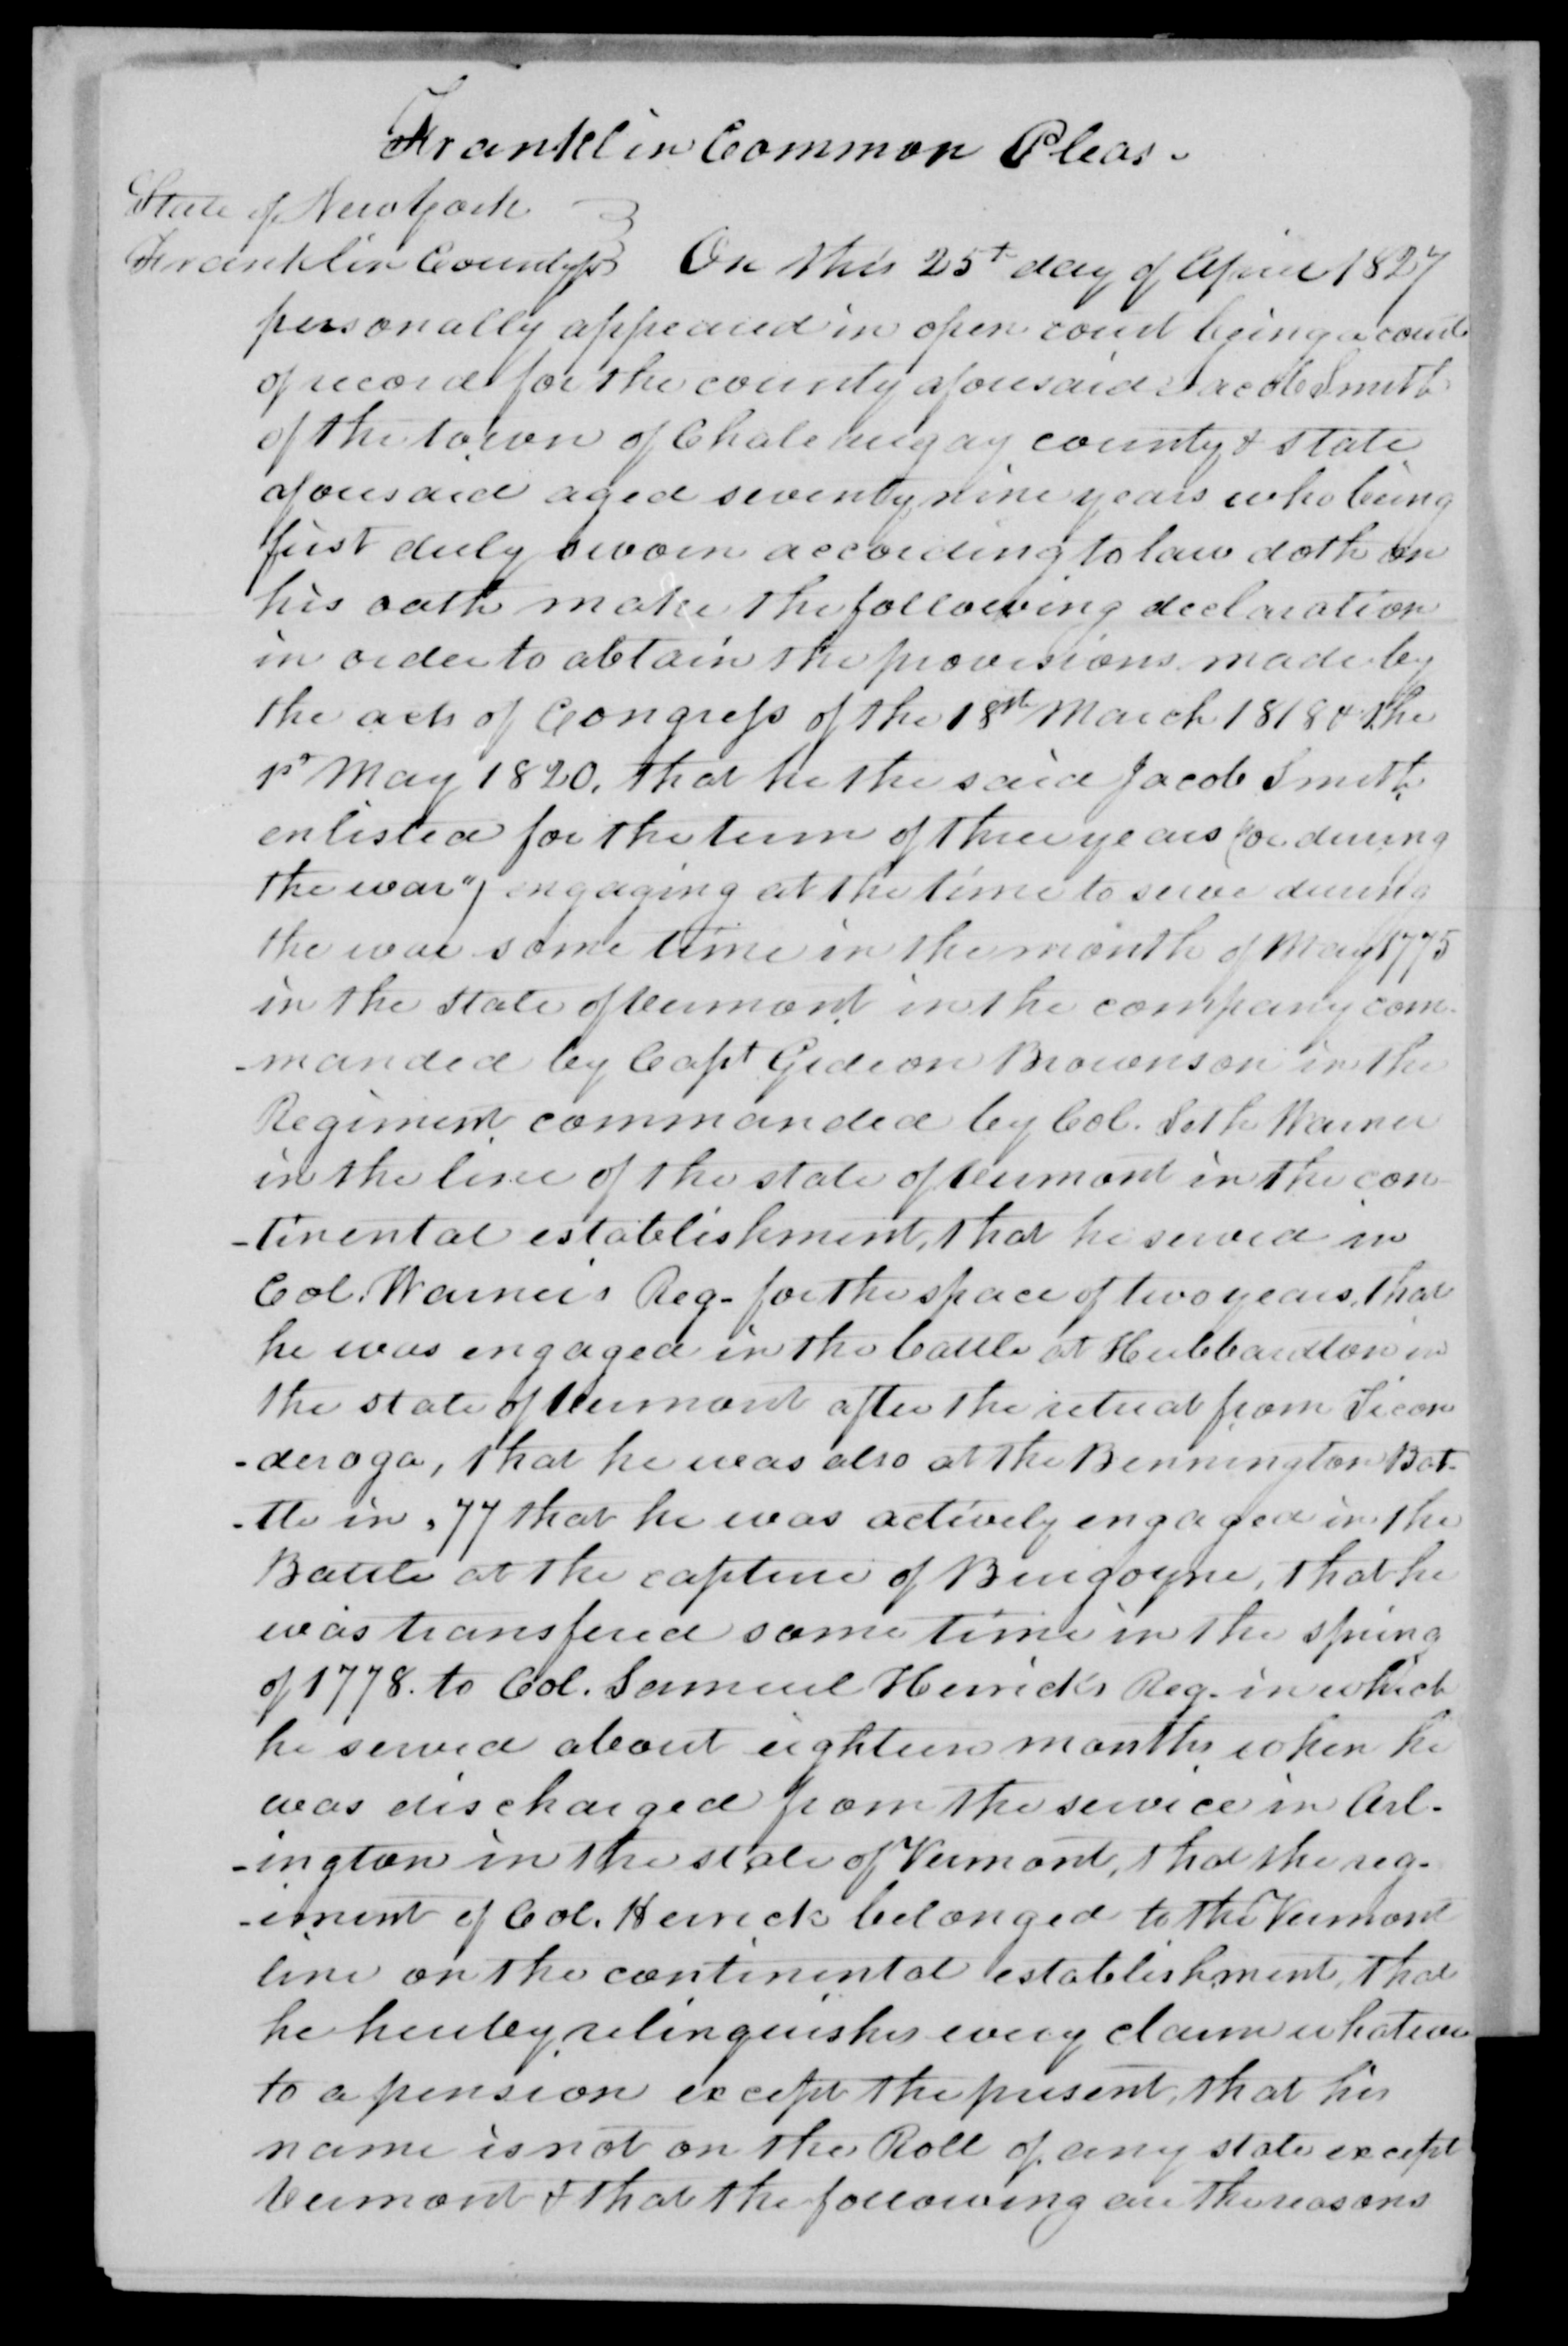Franklin Common Pleas
State of New York }
Franklin County ss }
On this 25th day of April 1827 personally appeared in open court being a court of record for the county aforesaid Jacob Smith of the town of Chateaugay  county and state aforesaid aged seventy nine years who being first duly sworn according to law doth on his oath make the following declaration in order to obtain the provisions made by the acts of Congress of the 18th of March 1818 & the 1st May 1820, that he the said Jacob Smith enlisted for the term of three years "or during the war", engaging at the time to serve during the war some time in the month of May 1775 in the State of Vermont in the company commanded by Capt Gideon Brownson in the Regiment commanded by Col. Seth Warner in the line of the state of Vermont in the continental establishment, that he served in Col. Warner's Reg. for the space of two years, that he was engaged in the battle of Hubbardton in the state of Vermont after the retreat from Ticonderoga, that he was also at the Bennington Battle in '77 that he was actively engaged in the Battle at the capture of Burgoyne, that he was transfered some time in  the spring of 1778 to Col. Samuel Herrick's Reg. in which he served about eighteen months when he was discharged from the service in Arlington in the state of Vermont, that the regiment of Col. Herrick belonged to the Vermont line on the continental establishment, that he hereby relinquishes every claim whatever to a pension excet the present, that his name in not on the Roll of any state except Vermont & that the following are the reasons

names: Seth Warner; Herrick [BLANK]; Gideon Brownson; Jacob Smith; Jacob Smith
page: 4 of 15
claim: survivor's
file: S. 43157, for Jacob Smith, Vermont